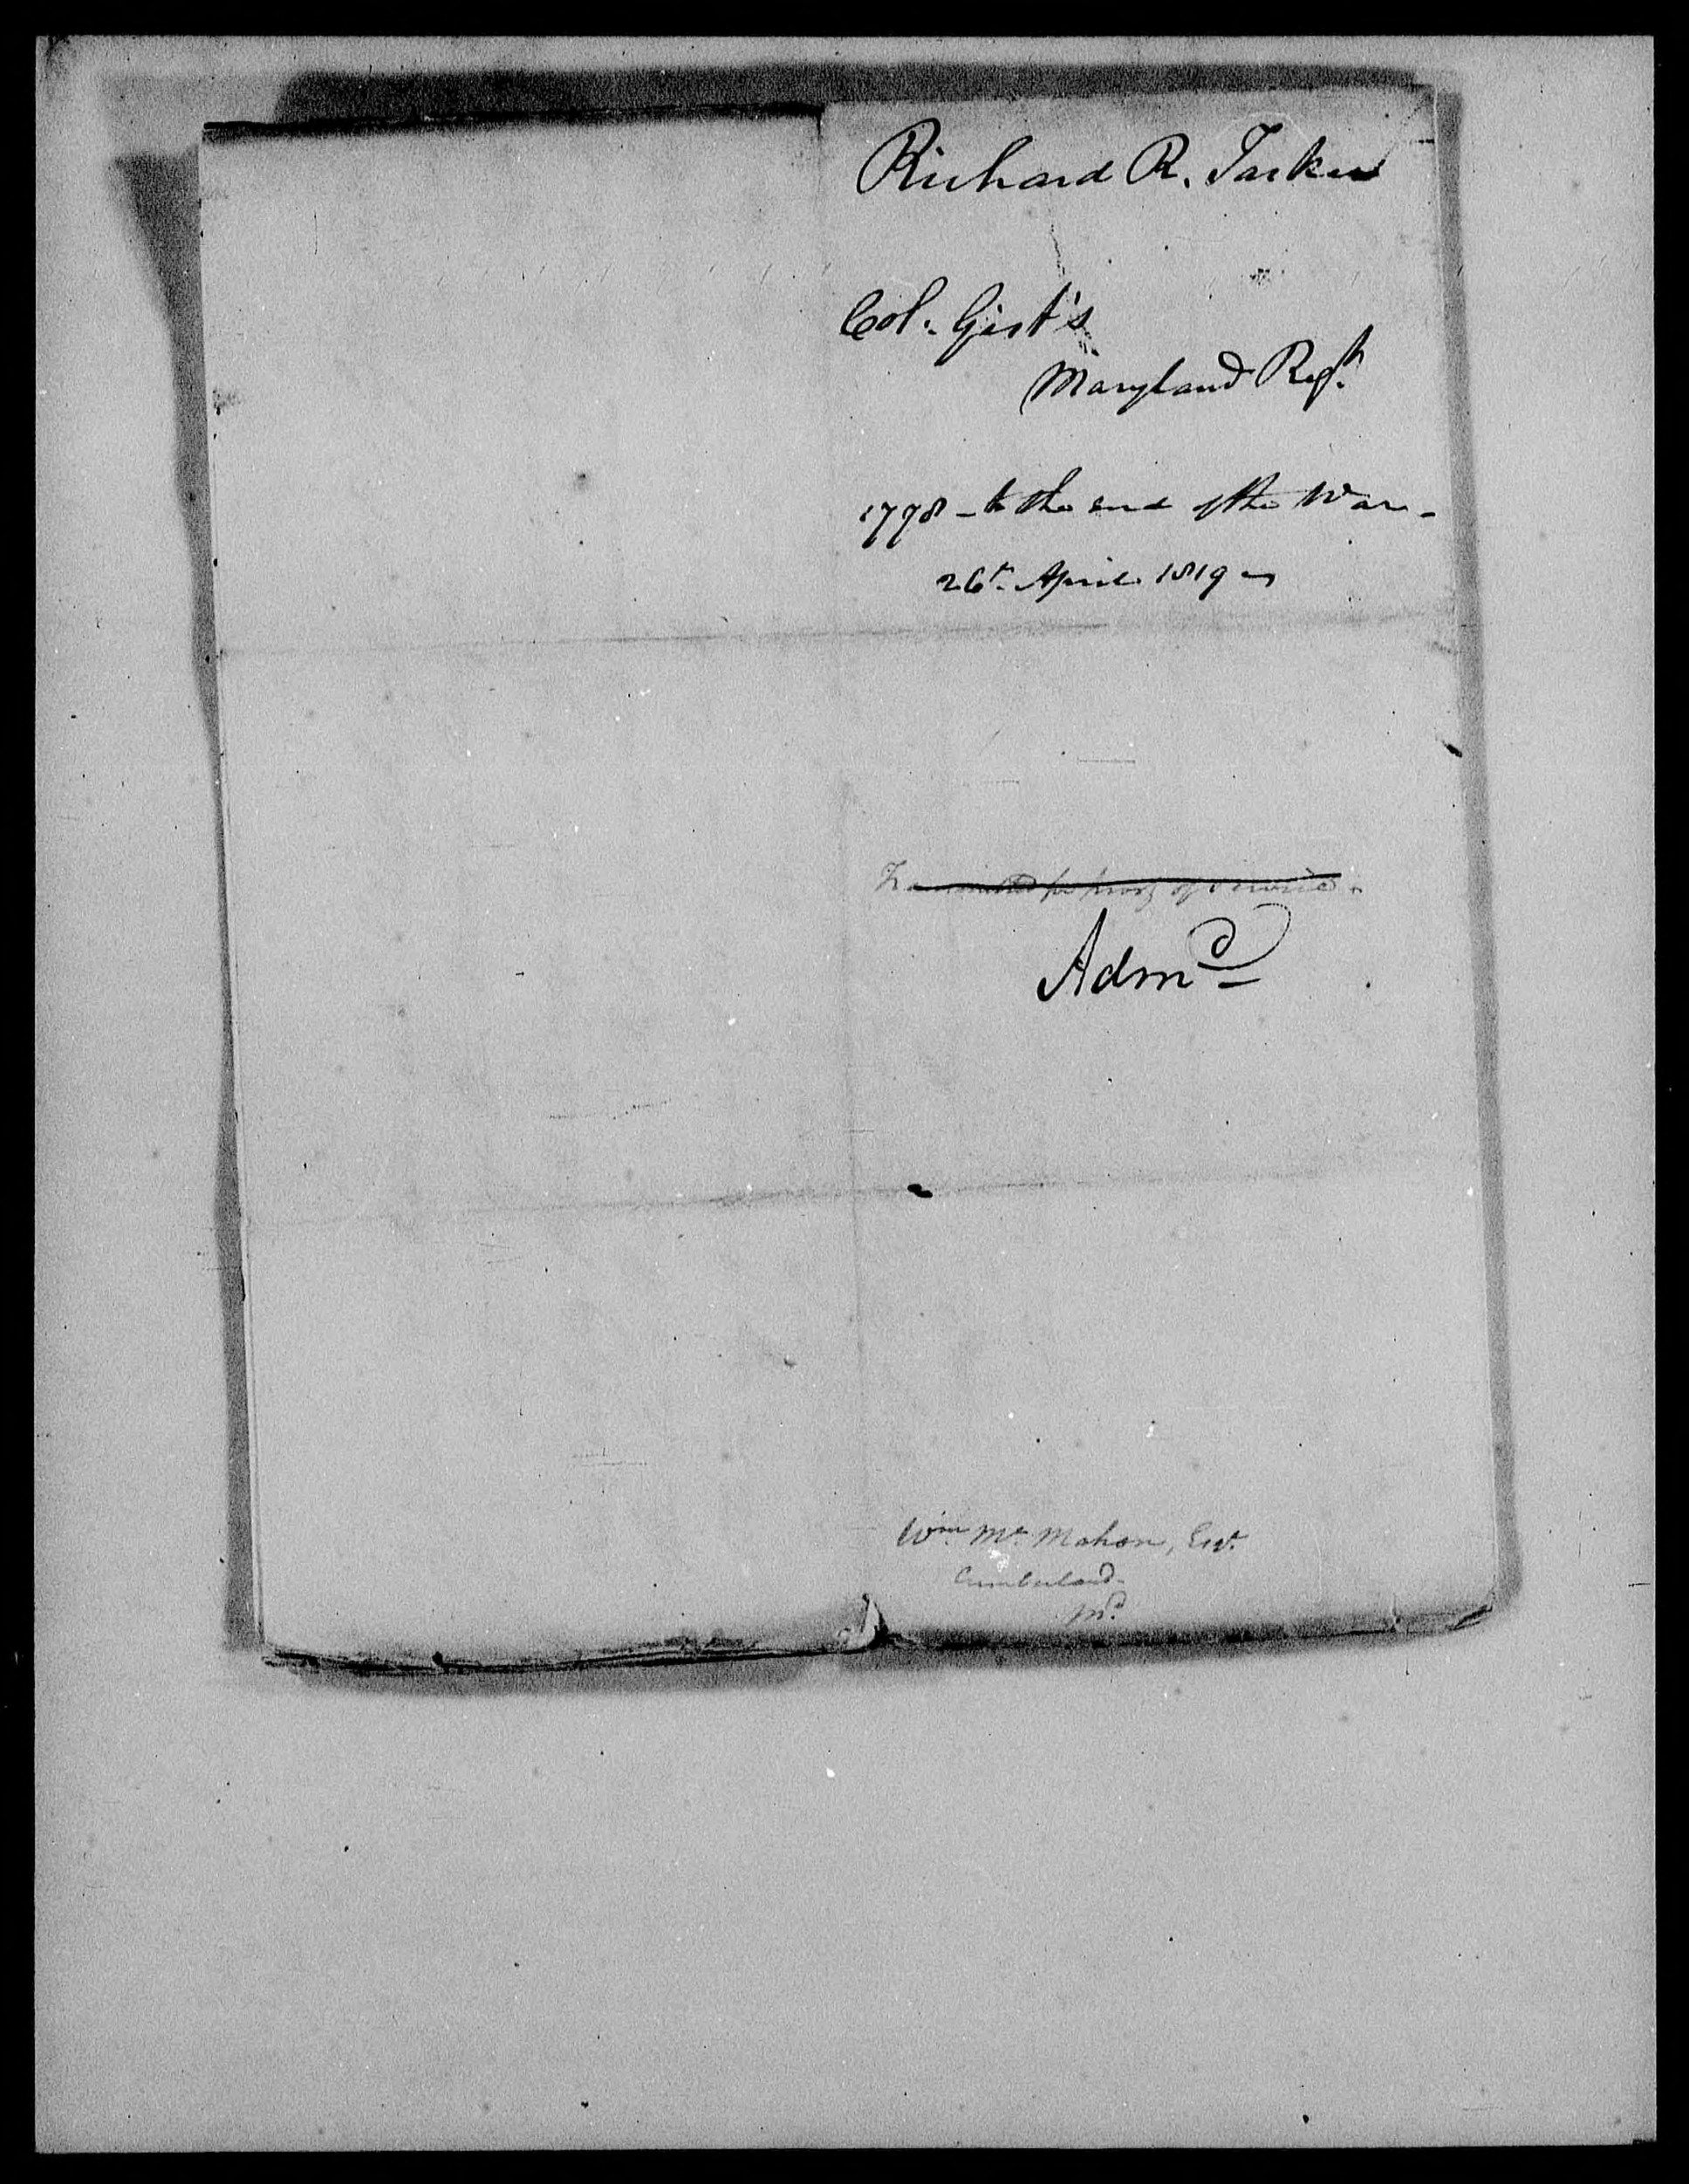Richard R. Tasker

Col. Gist's Maryland Regt.

1778--to the end of the War.
26t. April. 1819--

Adm @

Wm. McMahon, Esqr.
Cumberland, Md.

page: 11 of 25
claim: survivor's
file: S. 35093, for Richard R Tasker, Maryland